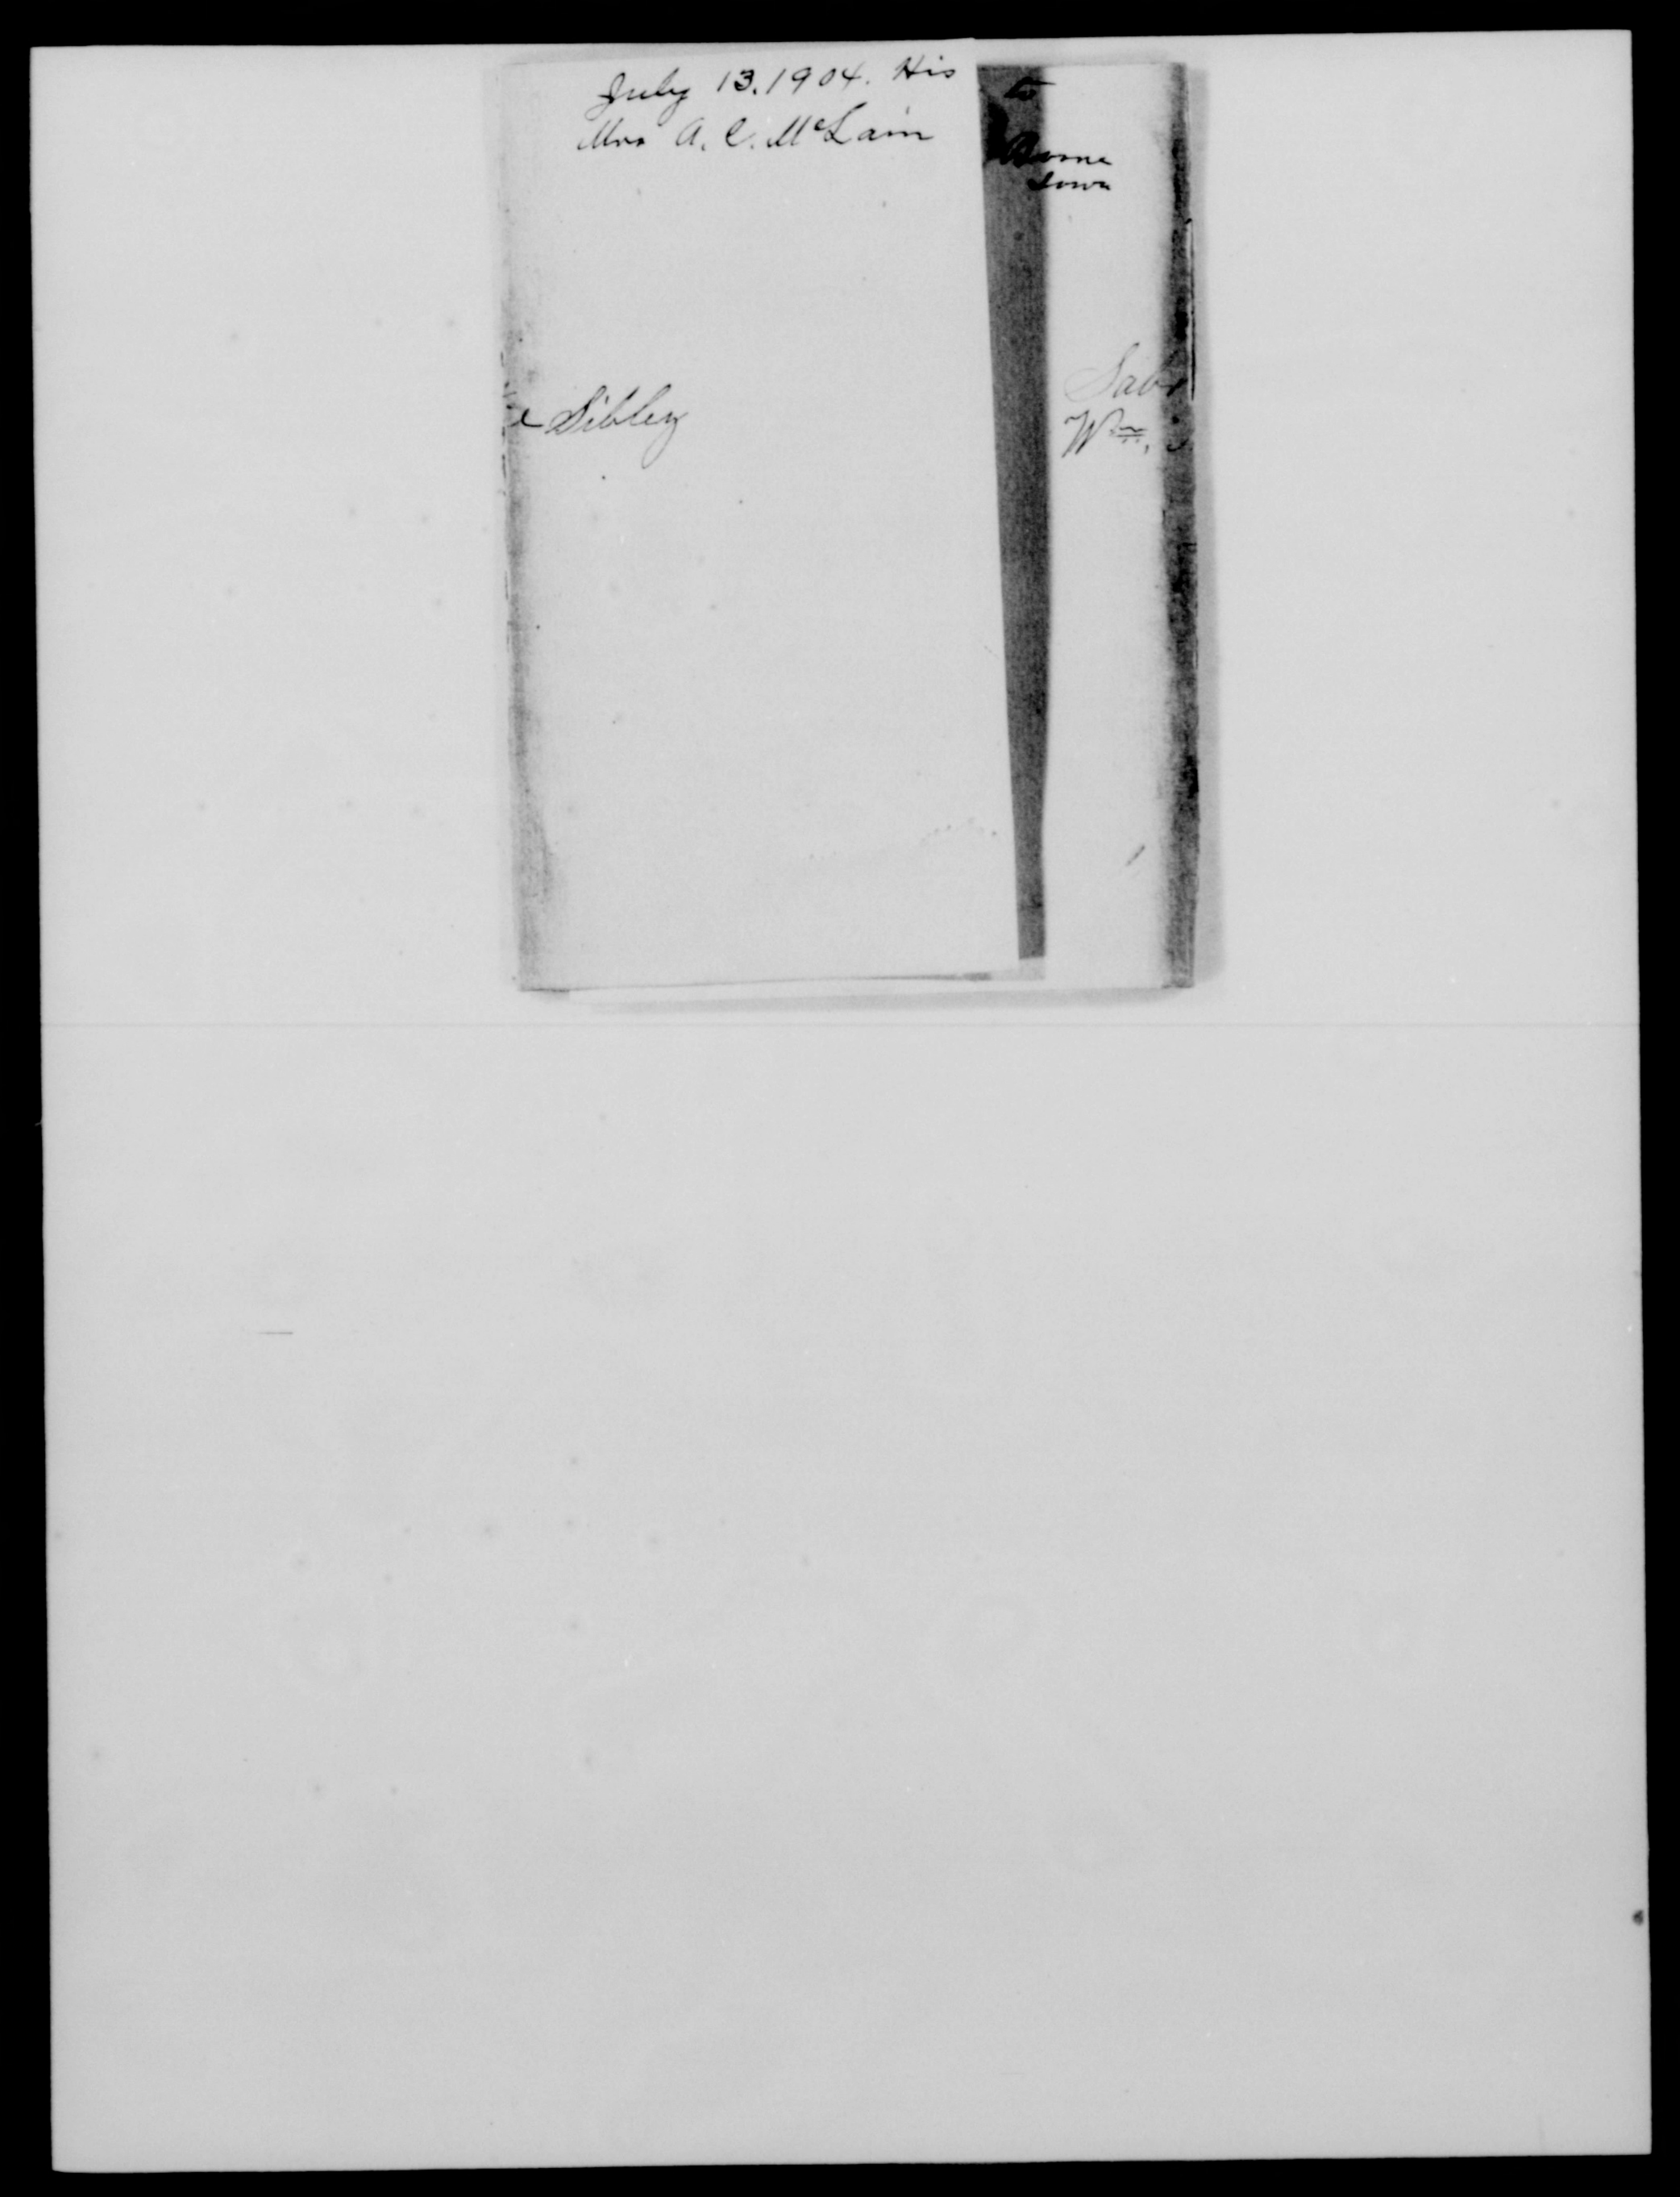July 13, 1904. His [illegible]
Mrs. A. C. McLain 
[illegible]

Sabra Sibley
W,tt, [illegible]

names: A C Mc Lain; [BLANK] Sibley; Wm [BLANK]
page: 18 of 24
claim: widow's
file: W. 15,338, for William Sibley, Massachusetts